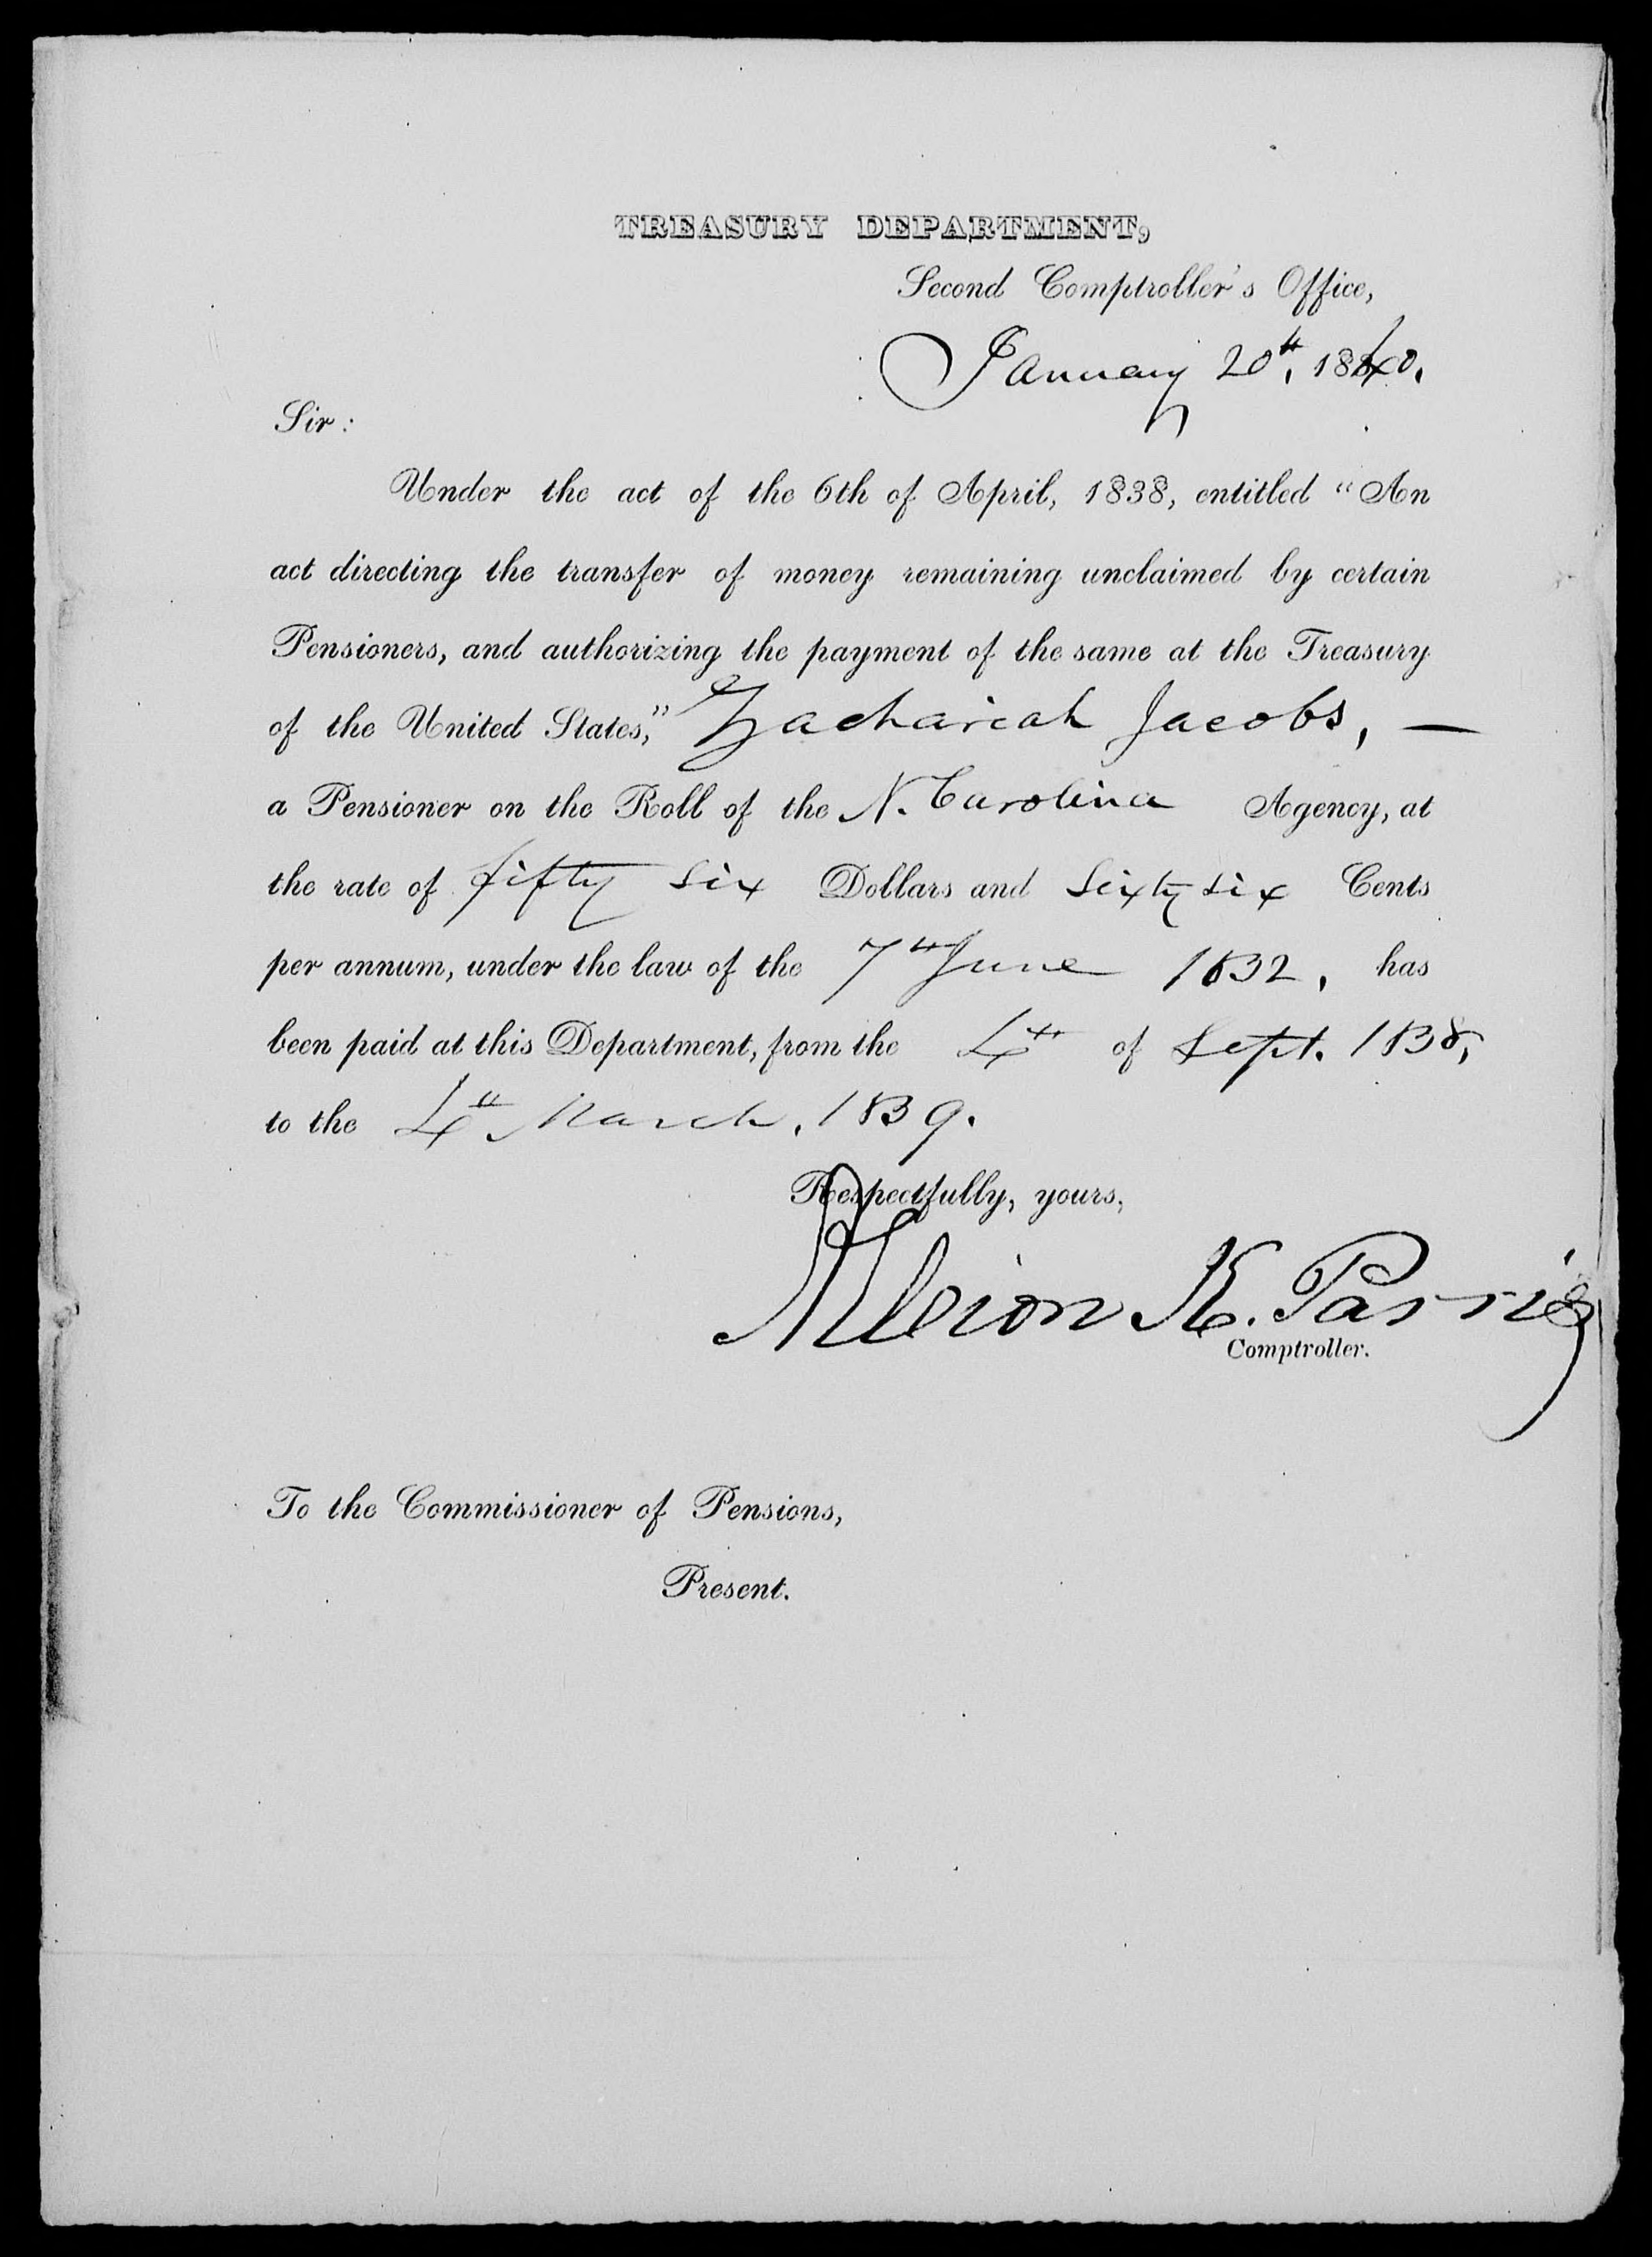TREASURY DEPARTMENT
              Second Comptroller's Office,
                             January 20th 1840
Sir:
     Under the act of the 6th of April 1838, entitled "An act directing the transfer of money remaining unclaimed by certain Pensioners, and authorizing the payment of the same at the Treasury of the United States,"  Zachariah Jacobs, - a Pensioner on the Roll of the N. Carolina Agency , at the rate of fifty six Dollars and Sixty-six Cents per annum, under the law of the 7 June 1832, has been paid at this Department, from the 4th of Sept, 1838, to the 4th March, 1839.

                          Respectfully, yours,
                          [Signature] Albion H. Passing

To the Commissioner of Pensions, 
                                Present.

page: 26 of 40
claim: widow's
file: W. 5304, for Zachariah Jacobs, North Carolina